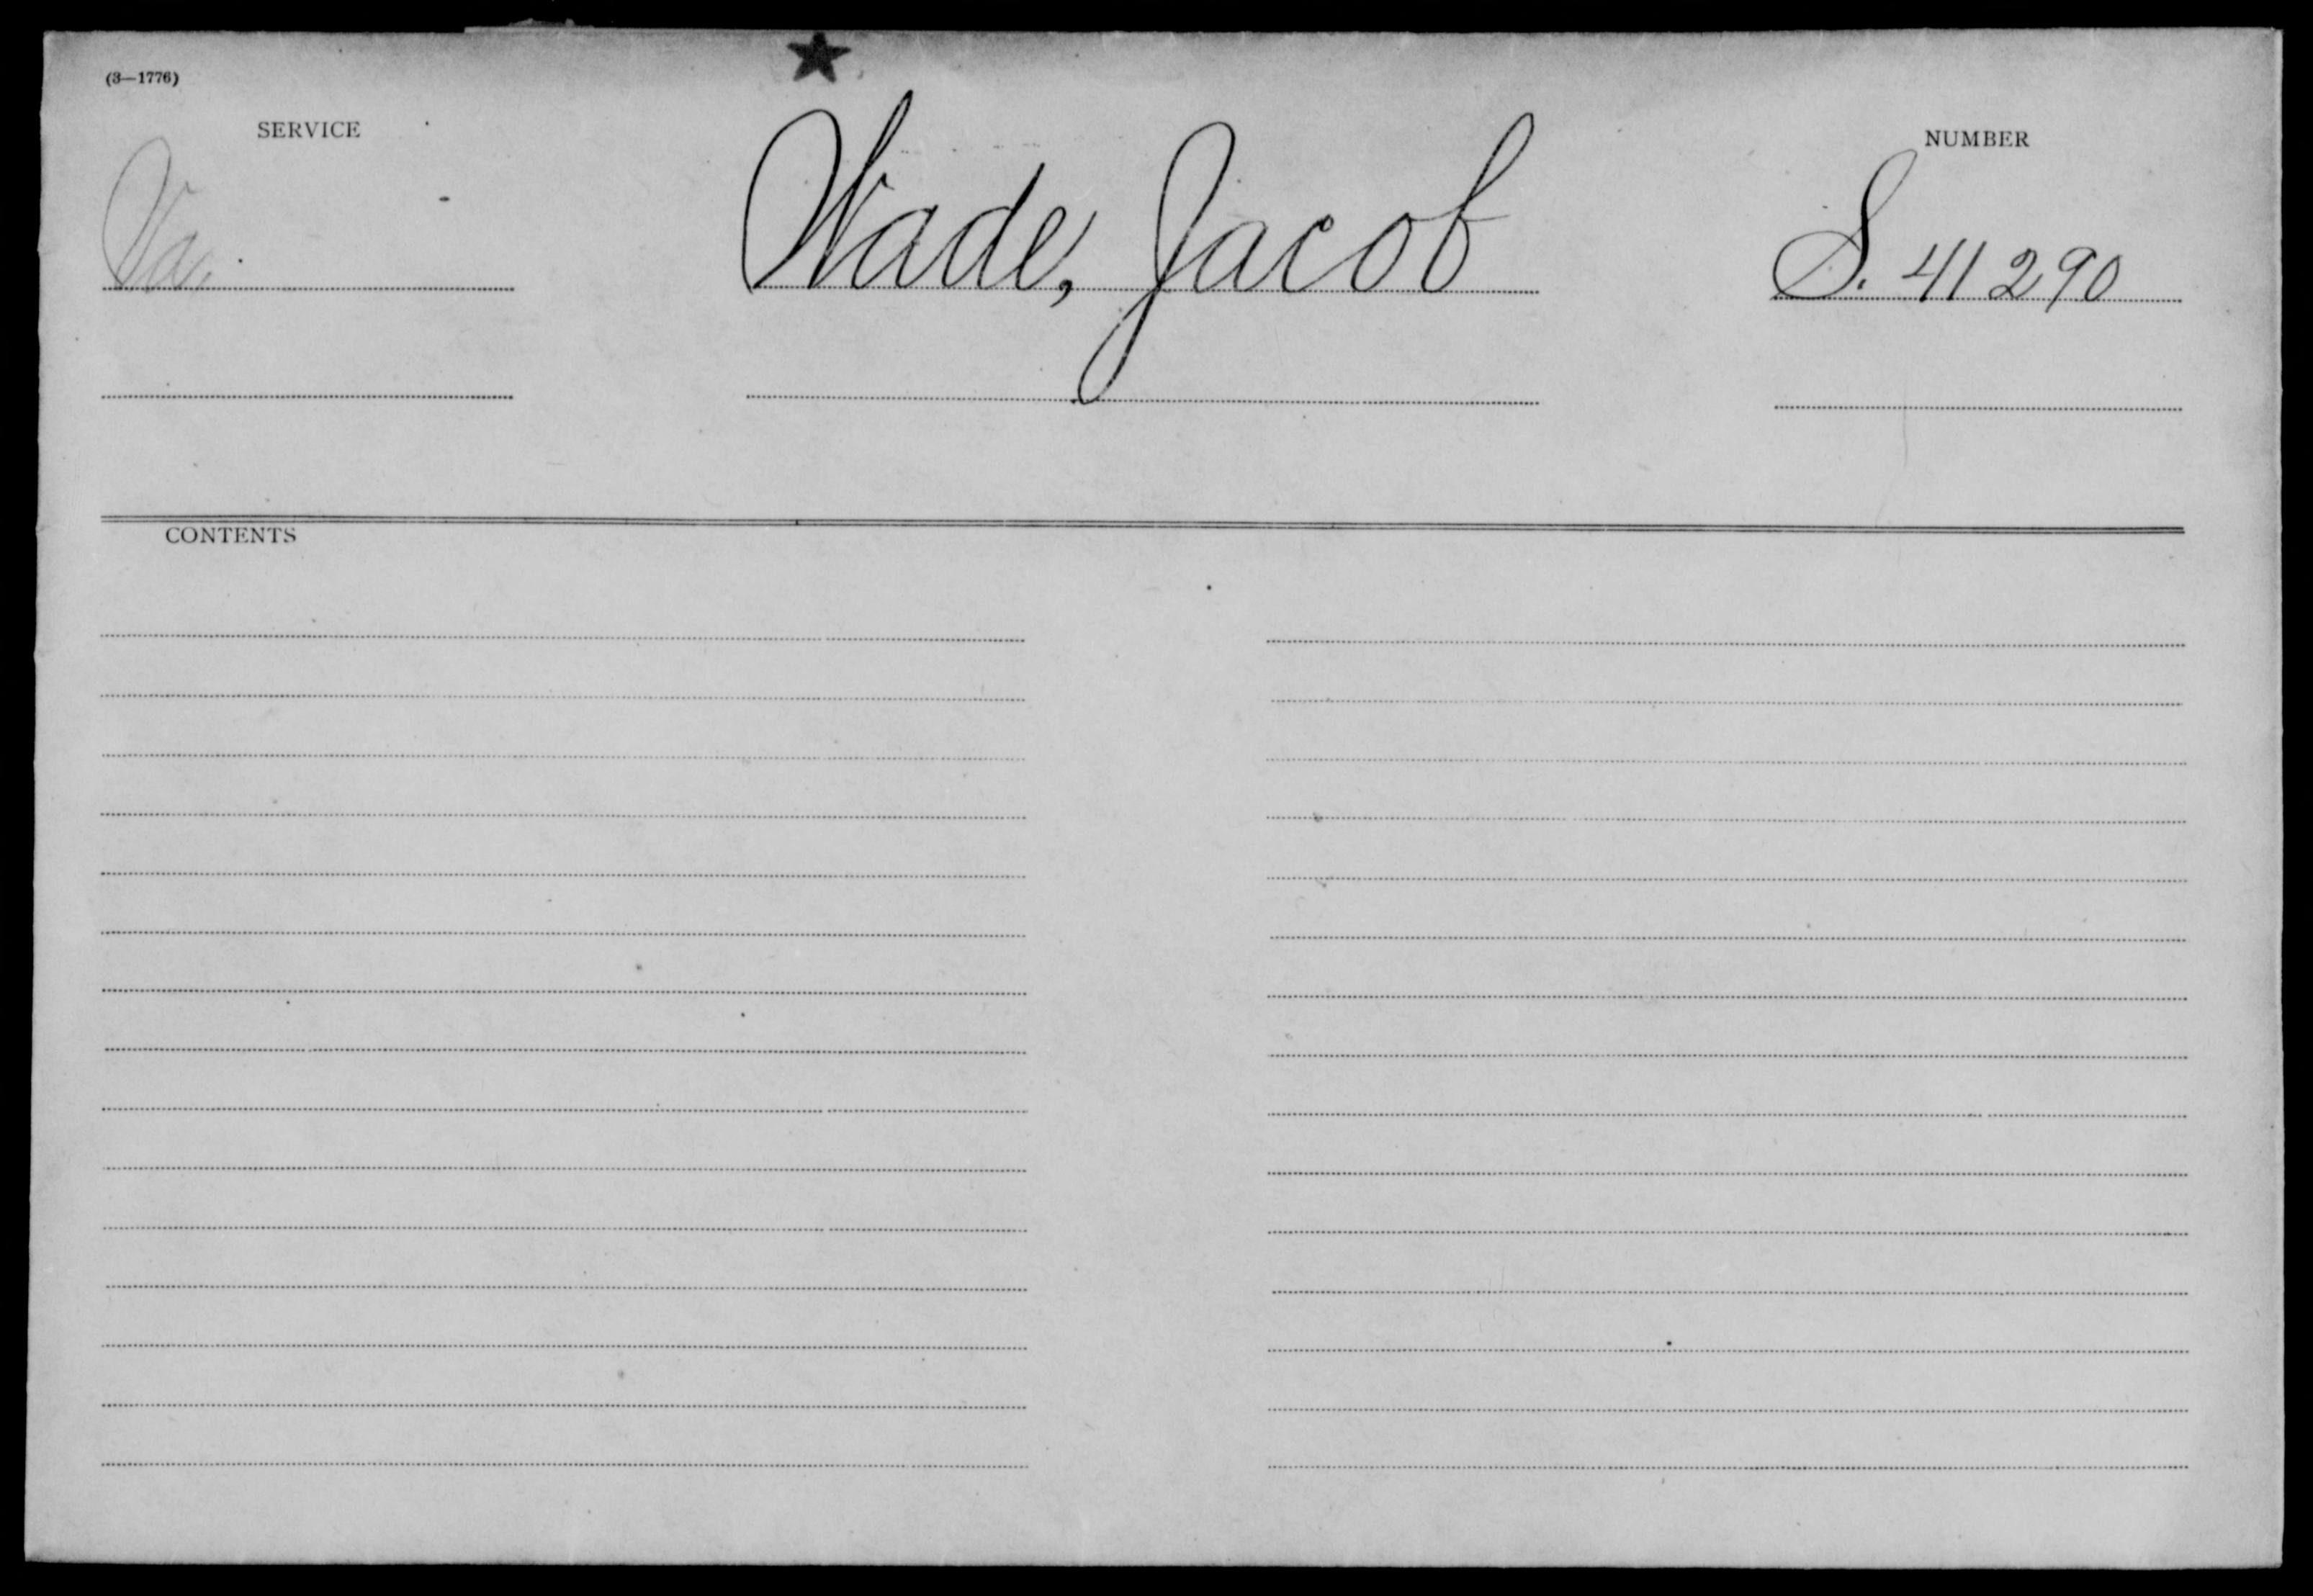(3-1776)


SERVICE
Va.

*Wade, Jacob


NUMBER
S. 41290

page: 1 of 10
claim: survivor's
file: S. 41290, Jacob Wade, Va.